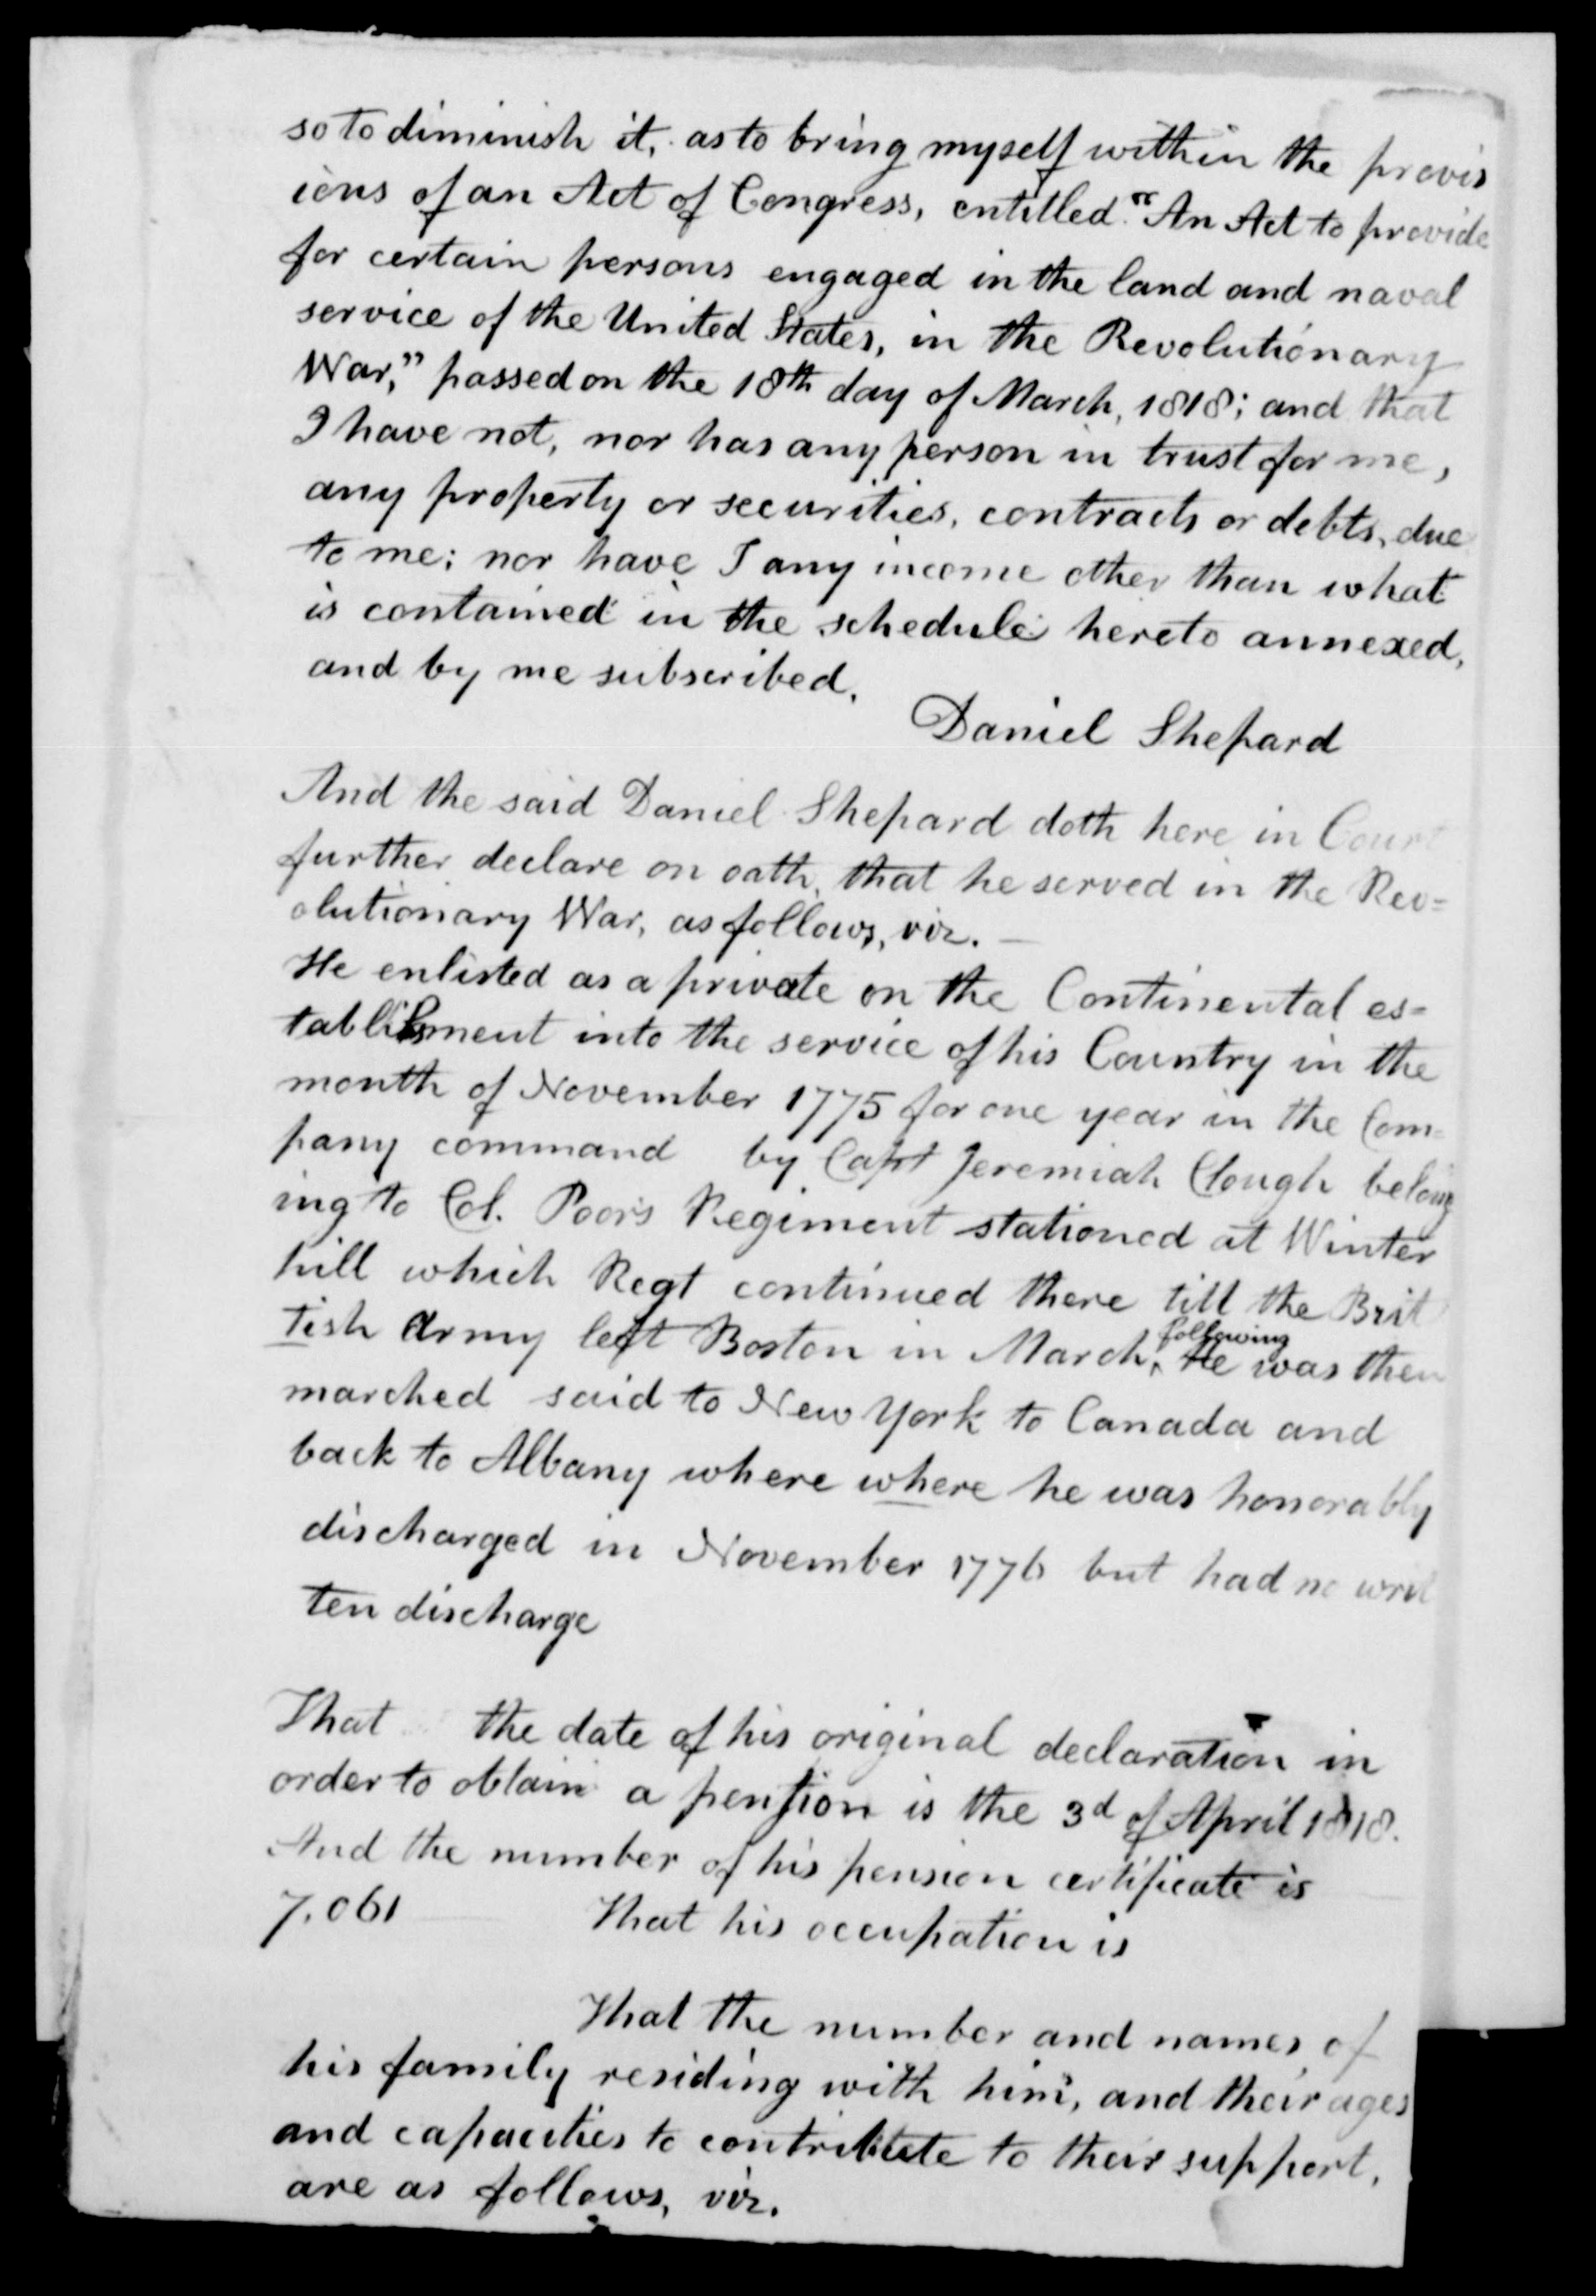so to diminish it, as to bring myself within the provisions of an Act of Congress, entitled "An Act to provide
for certain persons engaged in the land and naval
service of the United States, in the Revolutionary War
, passed on the 18th day of March, 1818; and that
I have not, nor has any person in trust for me,
any property or securities, contracts or debts, due
to me; nor have I any income other than what
is contained in the schedule hereto annexed
and by me subscribed
[signature] Daniel Shepard

And the said Daniel Shepard doth here in Court
further declare on oath, that he served in the Revolutionary War, as follows, viz.
He enlisted as a private in the Continental establishment
into the service of his Country in the
month of November 1775 for one year in the Company command by Capt Jeremiah Clough belonging to Col. Poor's Regiment 
stationed at Winter
hill which Regt continued there till the Brittish army left Boston in March was then
marched said to New York to Canada and
back to Albany where where he was honorably
discharged in November 1776 but had no written discharge
That the date of his original declaration in
order to obtain a pension is the 3d of April 1818.
And the number of his pension certificate is
7.061
that his occupation is
That the number and names of
his family residing with him, and their ages
and capacities to contribute to their support
are as follows, viz.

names: Jeremiah Clough; Daniel Shepard; Daniel Shepard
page: 9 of 25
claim: survivor's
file: S. 43137, for Daniel Shepard, New Hampshire